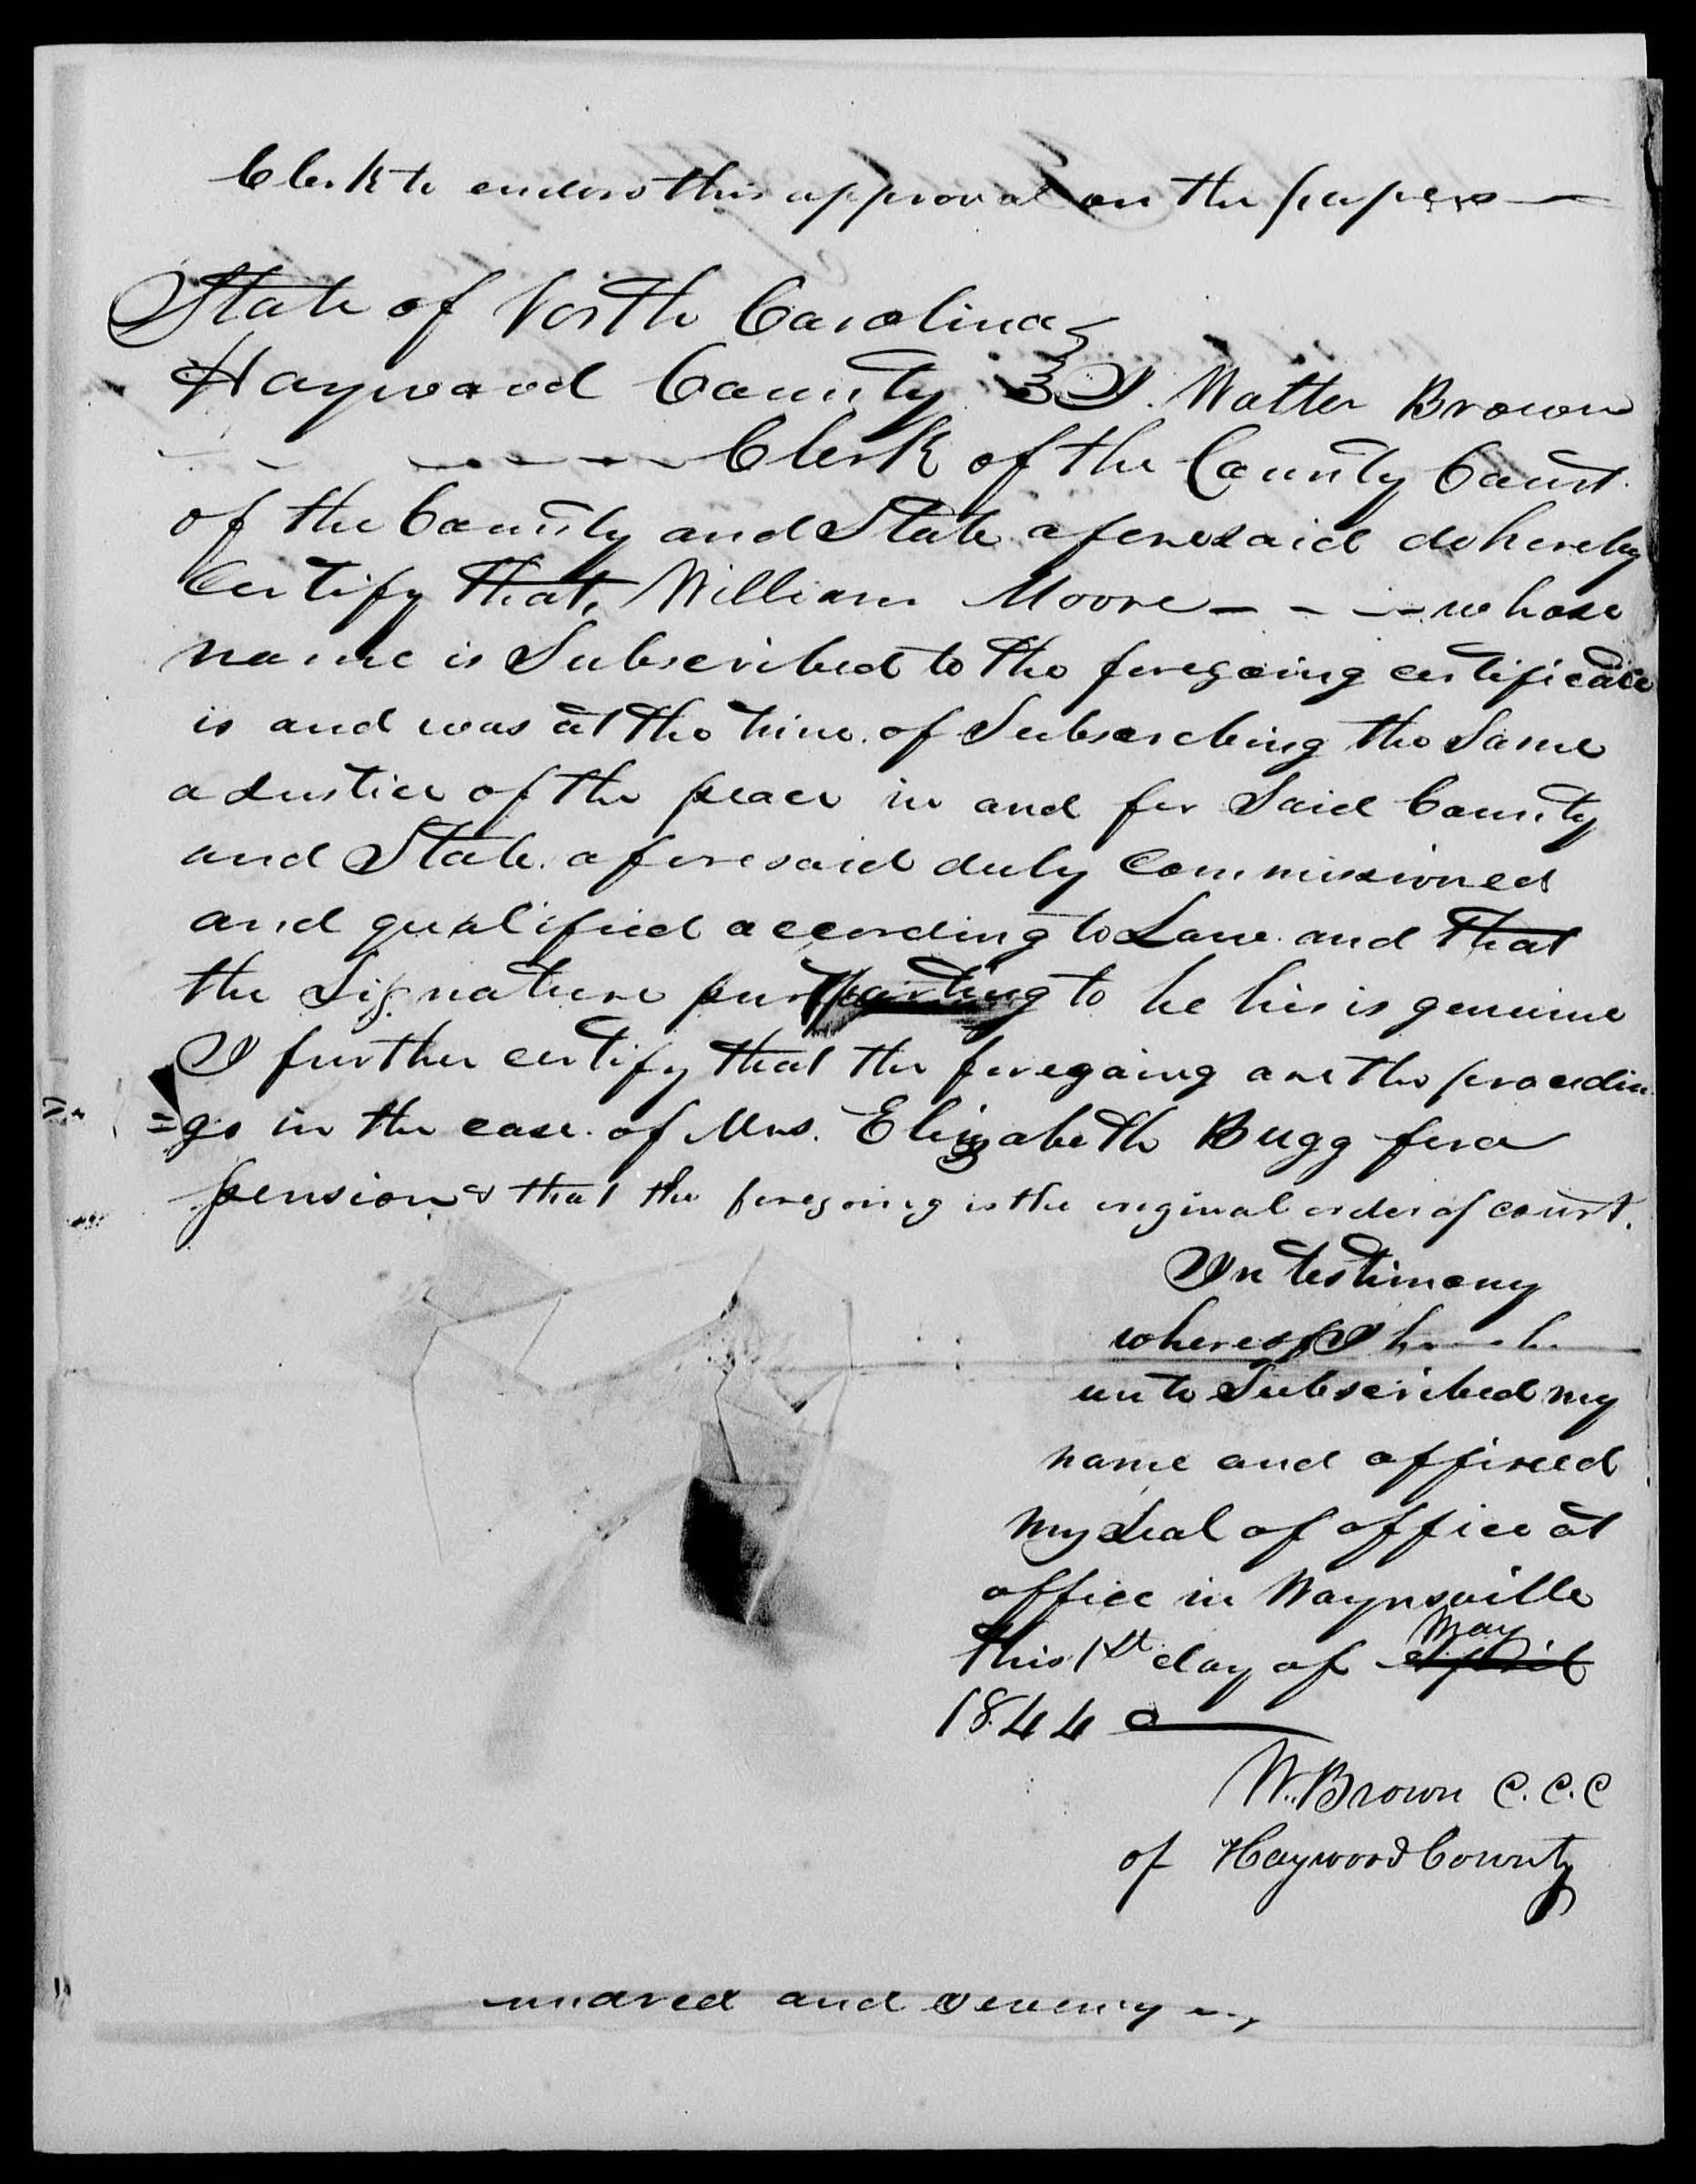Clerk to endors [or possibly, enclose] this approval on the papers-

State of North Carolina
Haywood County
I Watter [Walter] Brown Clerk of the County Court of the County and State aferesaid do hereby Certify that William Moore - whose name is Subscribed to the foregoing certificate is and was at the time of Subscribing the Same a Justice of the peace in and fer Said County and State. afiresaid duly Commissioned and qualified according to Law. and that the Signature [the next word is partially blotted and overwritten, but appears to be "purporting"] to be his is genuine   I further certify that the foregoing are the procidings in the case. of Mrs. Elizabeth Bugg fera pension & that the firegoing is the original order of court.

In testimony whereof I [here the next two words are lighter and partially obscured, but seem to read] have here unto Subscribed my name and affixed my Seal of office at office in Waynsville This 1st day of [here the word "April" was crossed out, and "May" was written above] 1844- W. Brown C.C.C of Haywood County

[There appears to be a paper folded several different ways, and attached to this record, possibly covering a wax stamp impression, although it is hard to determine for certain if a wax stamp was underneath, when looking at the image.]

[The bottom of another page behind this record, is partially shown underneath this record page.  Three partial words appear, but can't be read for certain, at this time.]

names: William Moore, W Brown, Elizabeth Bugg, Walter Brown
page: 6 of 50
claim: widow's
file: W. 898, William Bugg, N.C.